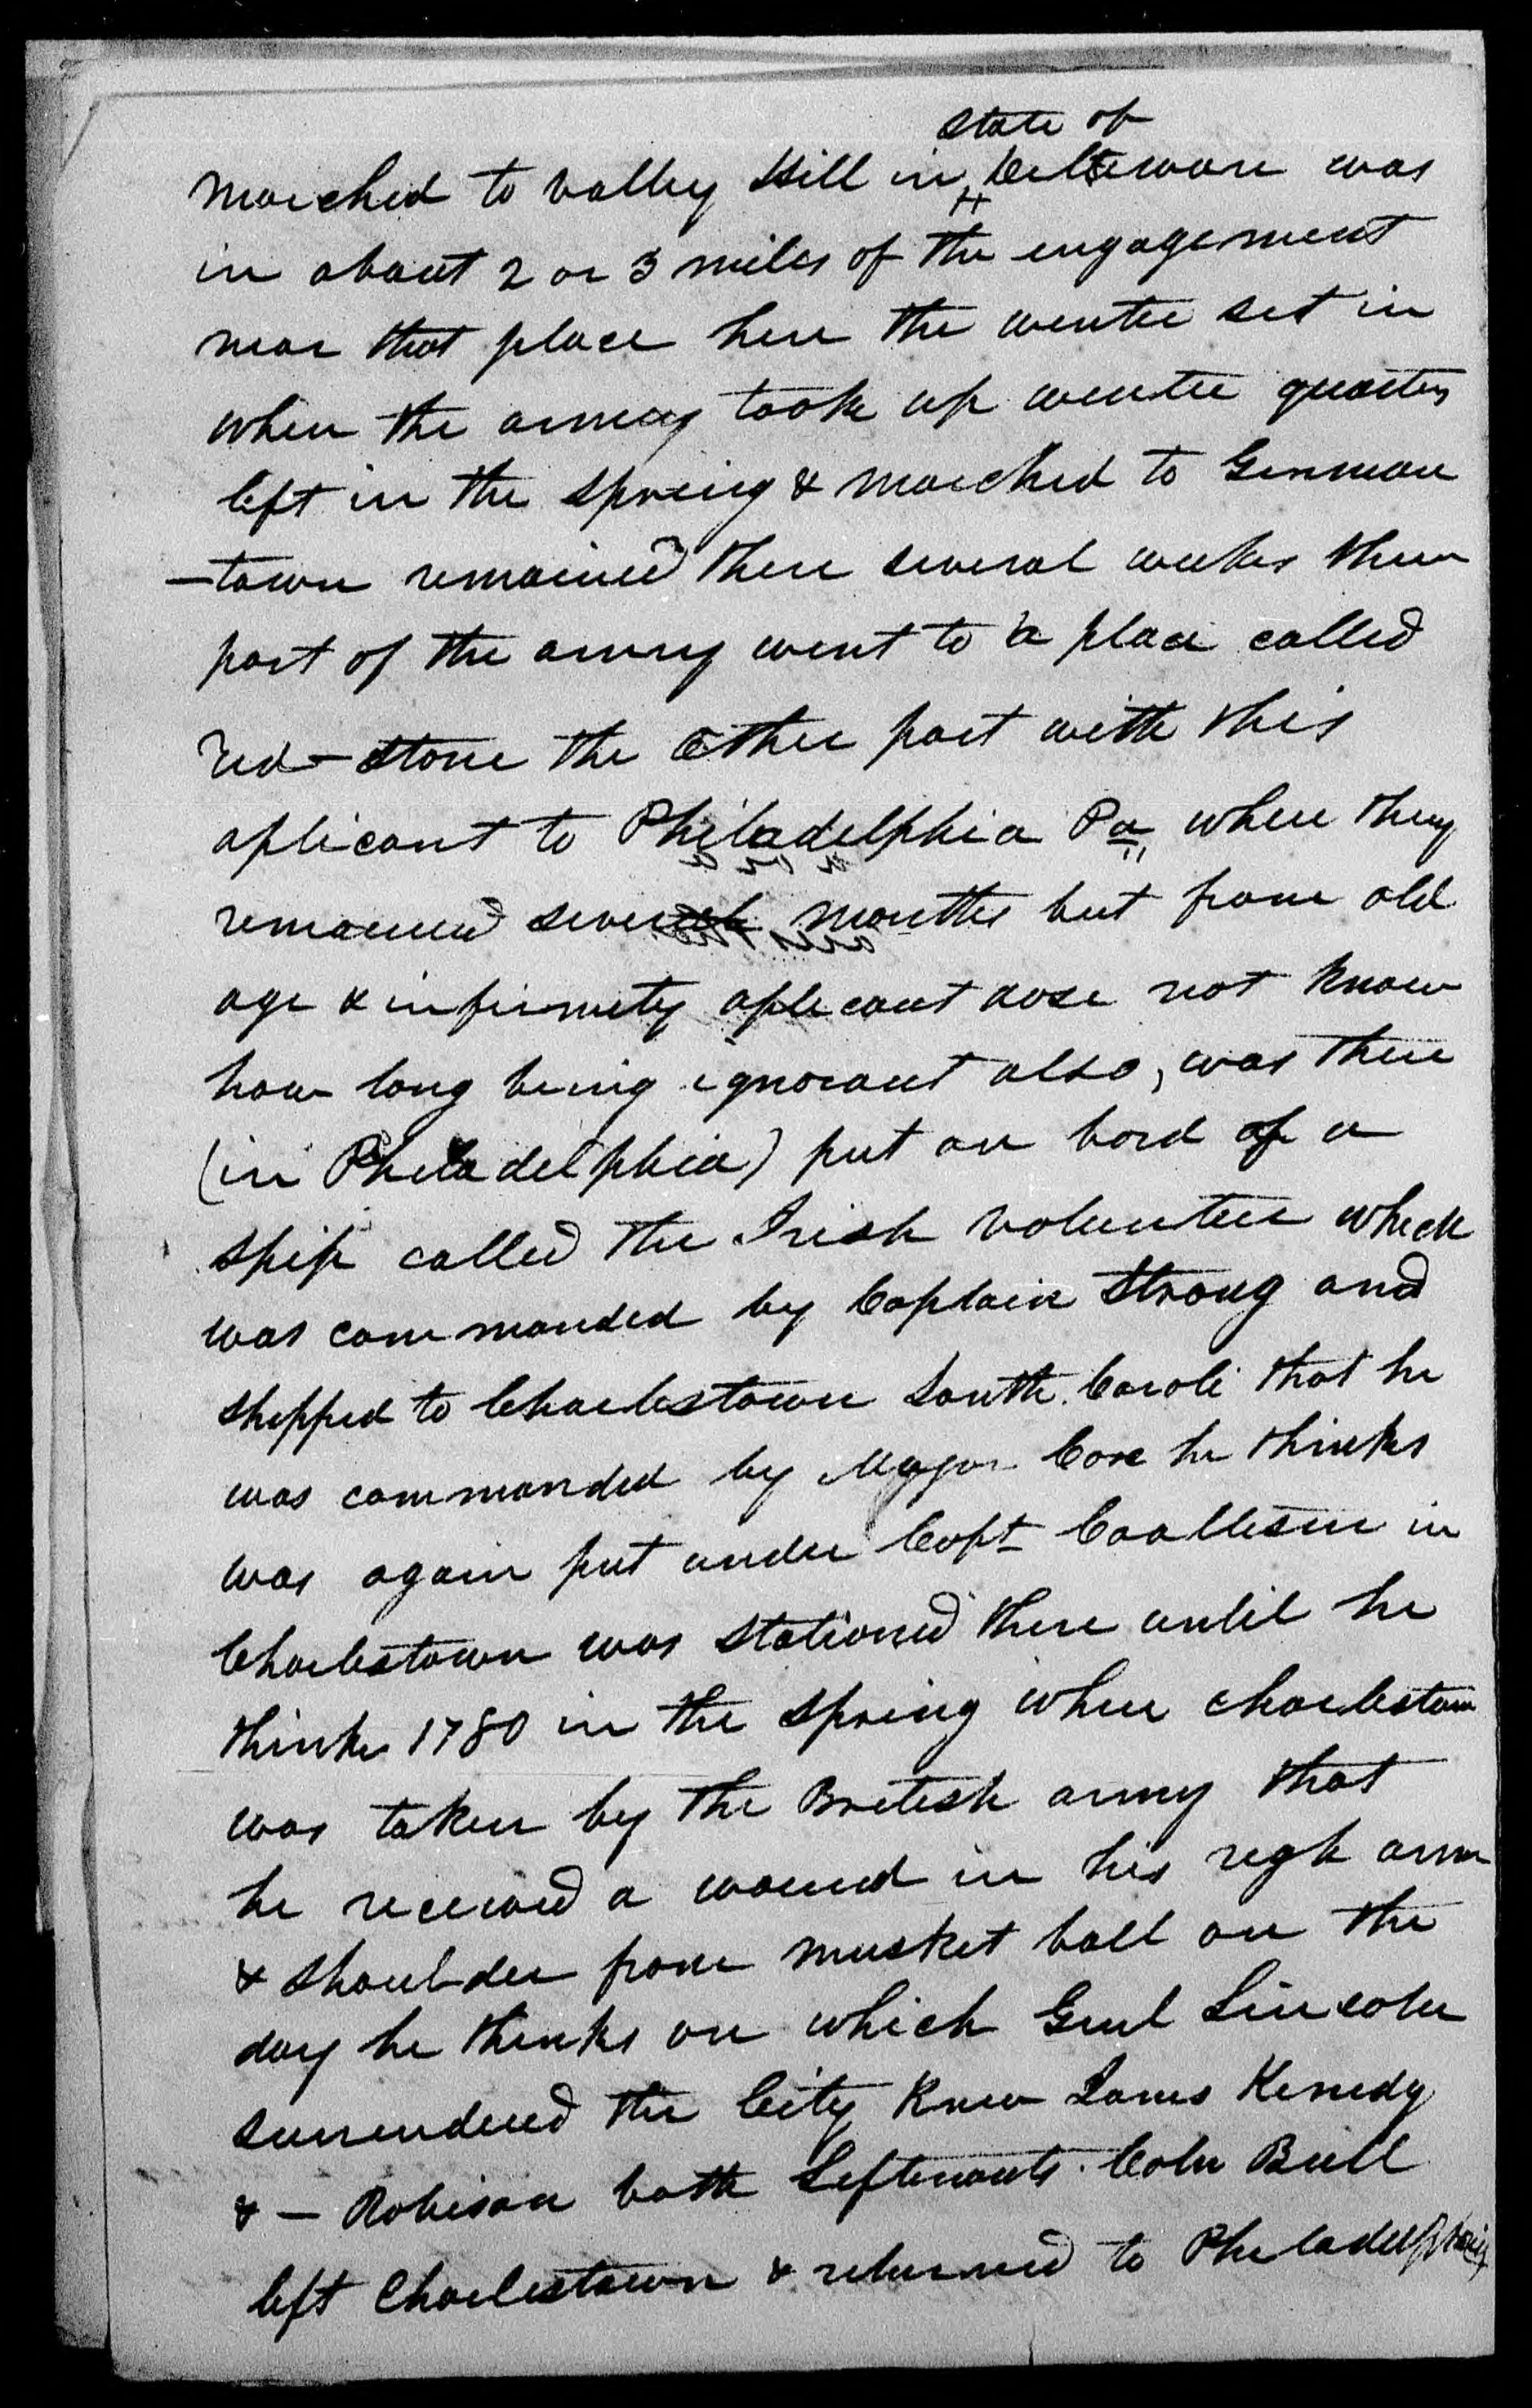marched to Valley Hill in state of Delaware was in about 2 or 3 miles of the engagement near that place here the winter set in when the army took up winter quarters left in the spring + marched to Germantown remained there several weeks then part of the army went to a place called [illegible]-stone the other part with this aplicant [sic] to Philadelphia Pa where they remained several months but from old age + infirmity aplicant [sic] dose [sic] not know how long being ignorant also, was there (in Philadelphia) put on bord [sic] of a ship called the Irish volunteer which was commanded by Captain Strong and shipped to Charlestown South Caroli [sic] that he was commanded by Major Core he thinks was again put under Capt Coallison in Charlstown [sic] was stationed there until he thinks 1780 in the spring when Charlestown [sic] was taken by the British army that he received a wound in the right arm + shoulder from musket ball on the day he thinks on which Genl Lincoln surrendered the City knew James Kenedy [sic] + ---Robison [sic] both Leftenants [sic] Coln [sic] Bull left Charlestown + returned to Philadelphia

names: Core, Strong, Lincoln, Bull, Janes Robison, Janes Kenedy, Coaltisen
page: 3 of 11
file: R., John Foy, New Jersey